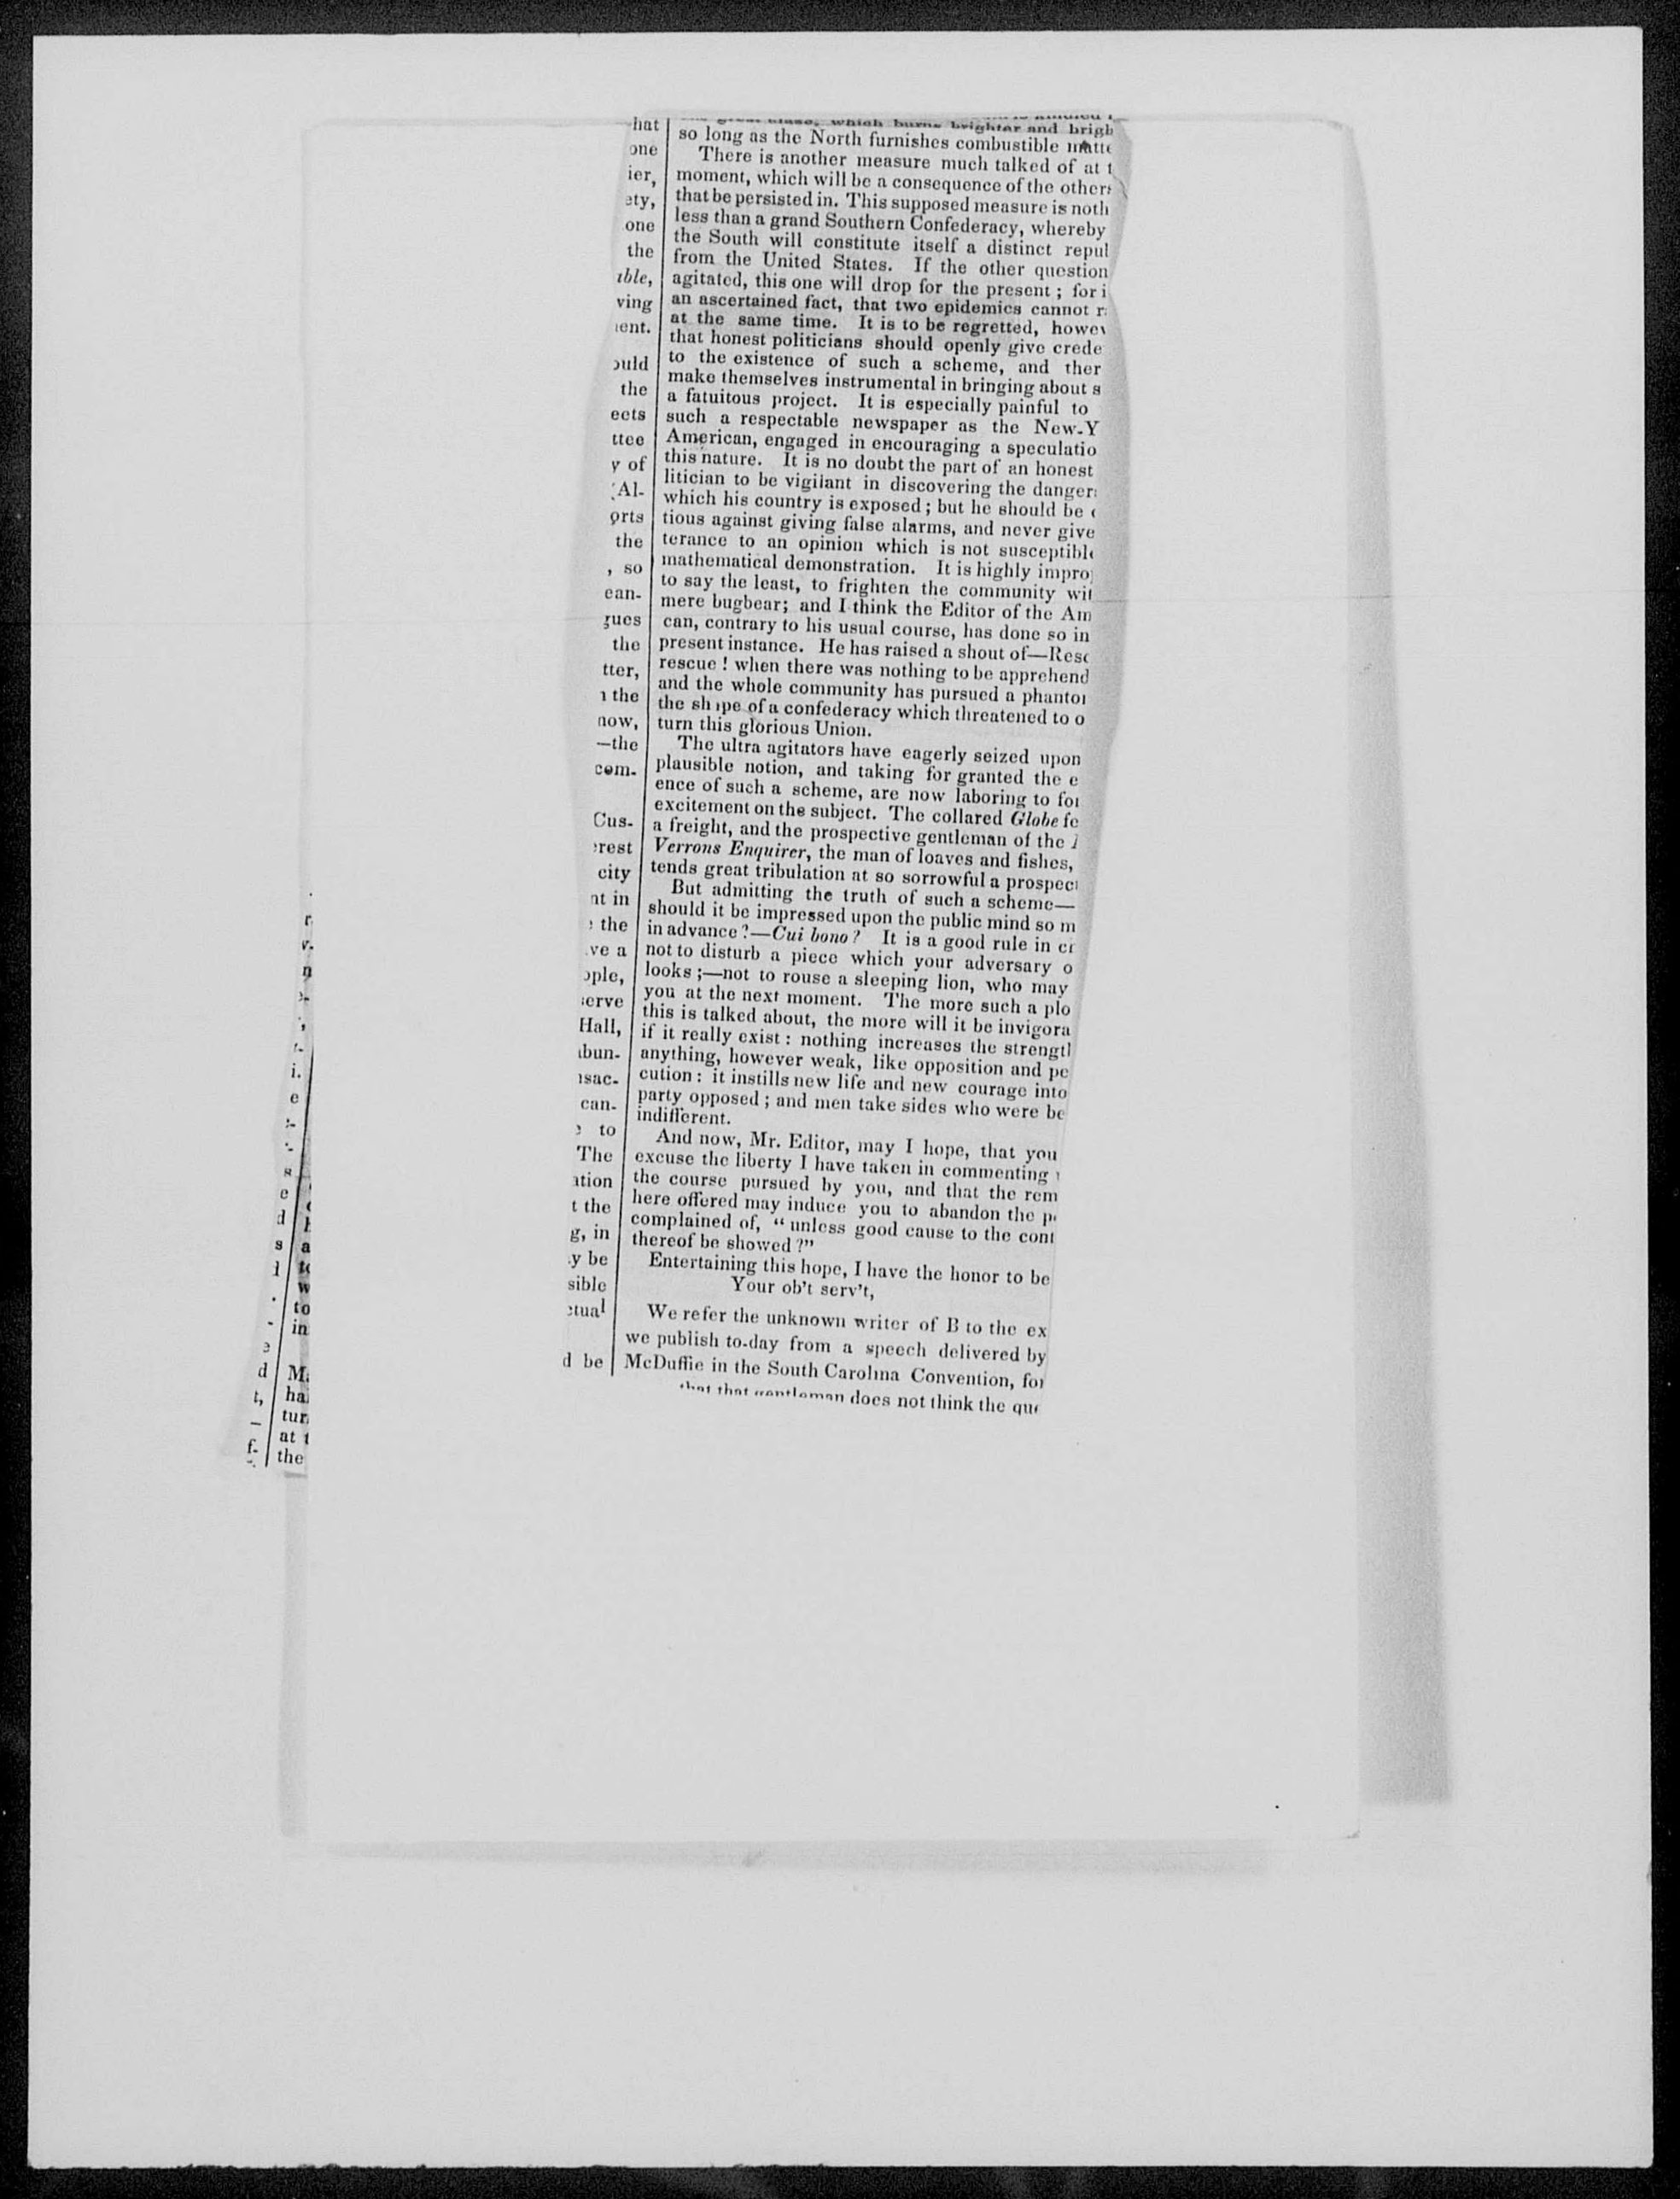[first part of paragraph is a repeat of previous page--it begins new as follows:]

to say the least, to frighten the community with mere bugbear; and I think the Editor of the American, contrary to his usual course, has done so in this present instance.  He has raised a shout of--Rescue, rescue! when there was nothing to be apprehended and the whole community has pursued a phantom the shape of a confederacy which threatened to overturn this glorious Union.

The ultra agitators have eagerly seized upon the plausible notion, and taking for granted the existence of such a scheme, are now laboring to force excitement on the subject.  The collared Globe [word cut off] a freight, and the prospective gentleman of the [word cut off] Verrons Enquirer, the man of loaves and fishes, extends great tribulation at so sorrowful a prospect.

But admitting the truth of such a scheme--should it be impressed upon the public mind so much in advance?--Cui bono?  It is a good rule in [word cut off] not to disturb a piece which your adversary overlooks;--not to rouse a sleeping lion, who may attack you at the next moment.  The more such a plo[rest of word cut off] this is talked about, the more will it be invigorated if it really exist:  nothing increases the strength of anything, however weak, like opposition and persecution:  it instills new life and new courage into the party opposed; and men take sides who were being indifferent.

And now, Mr. Editor, may I hope that you excuse the liberty I have taken in commenting on the course pursued by you, and that the rem [rest of word cut off] here offered may induce you to abandon the p[rest of word cut off] complained of, "unless good cause to the contrary thereof be showed?"
Entertaining this hope, I have the honor to be
Your ob't serv't,
We refer the unknown writer of B to the extent we publish to-day from a speech delivered by Senator George McDuffie in the South Carolina Convention, for  [bottom line cut off]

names: Mc Duffie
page: 11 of 17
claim: survivor's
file: S. 10575, James Dowling, Penn.